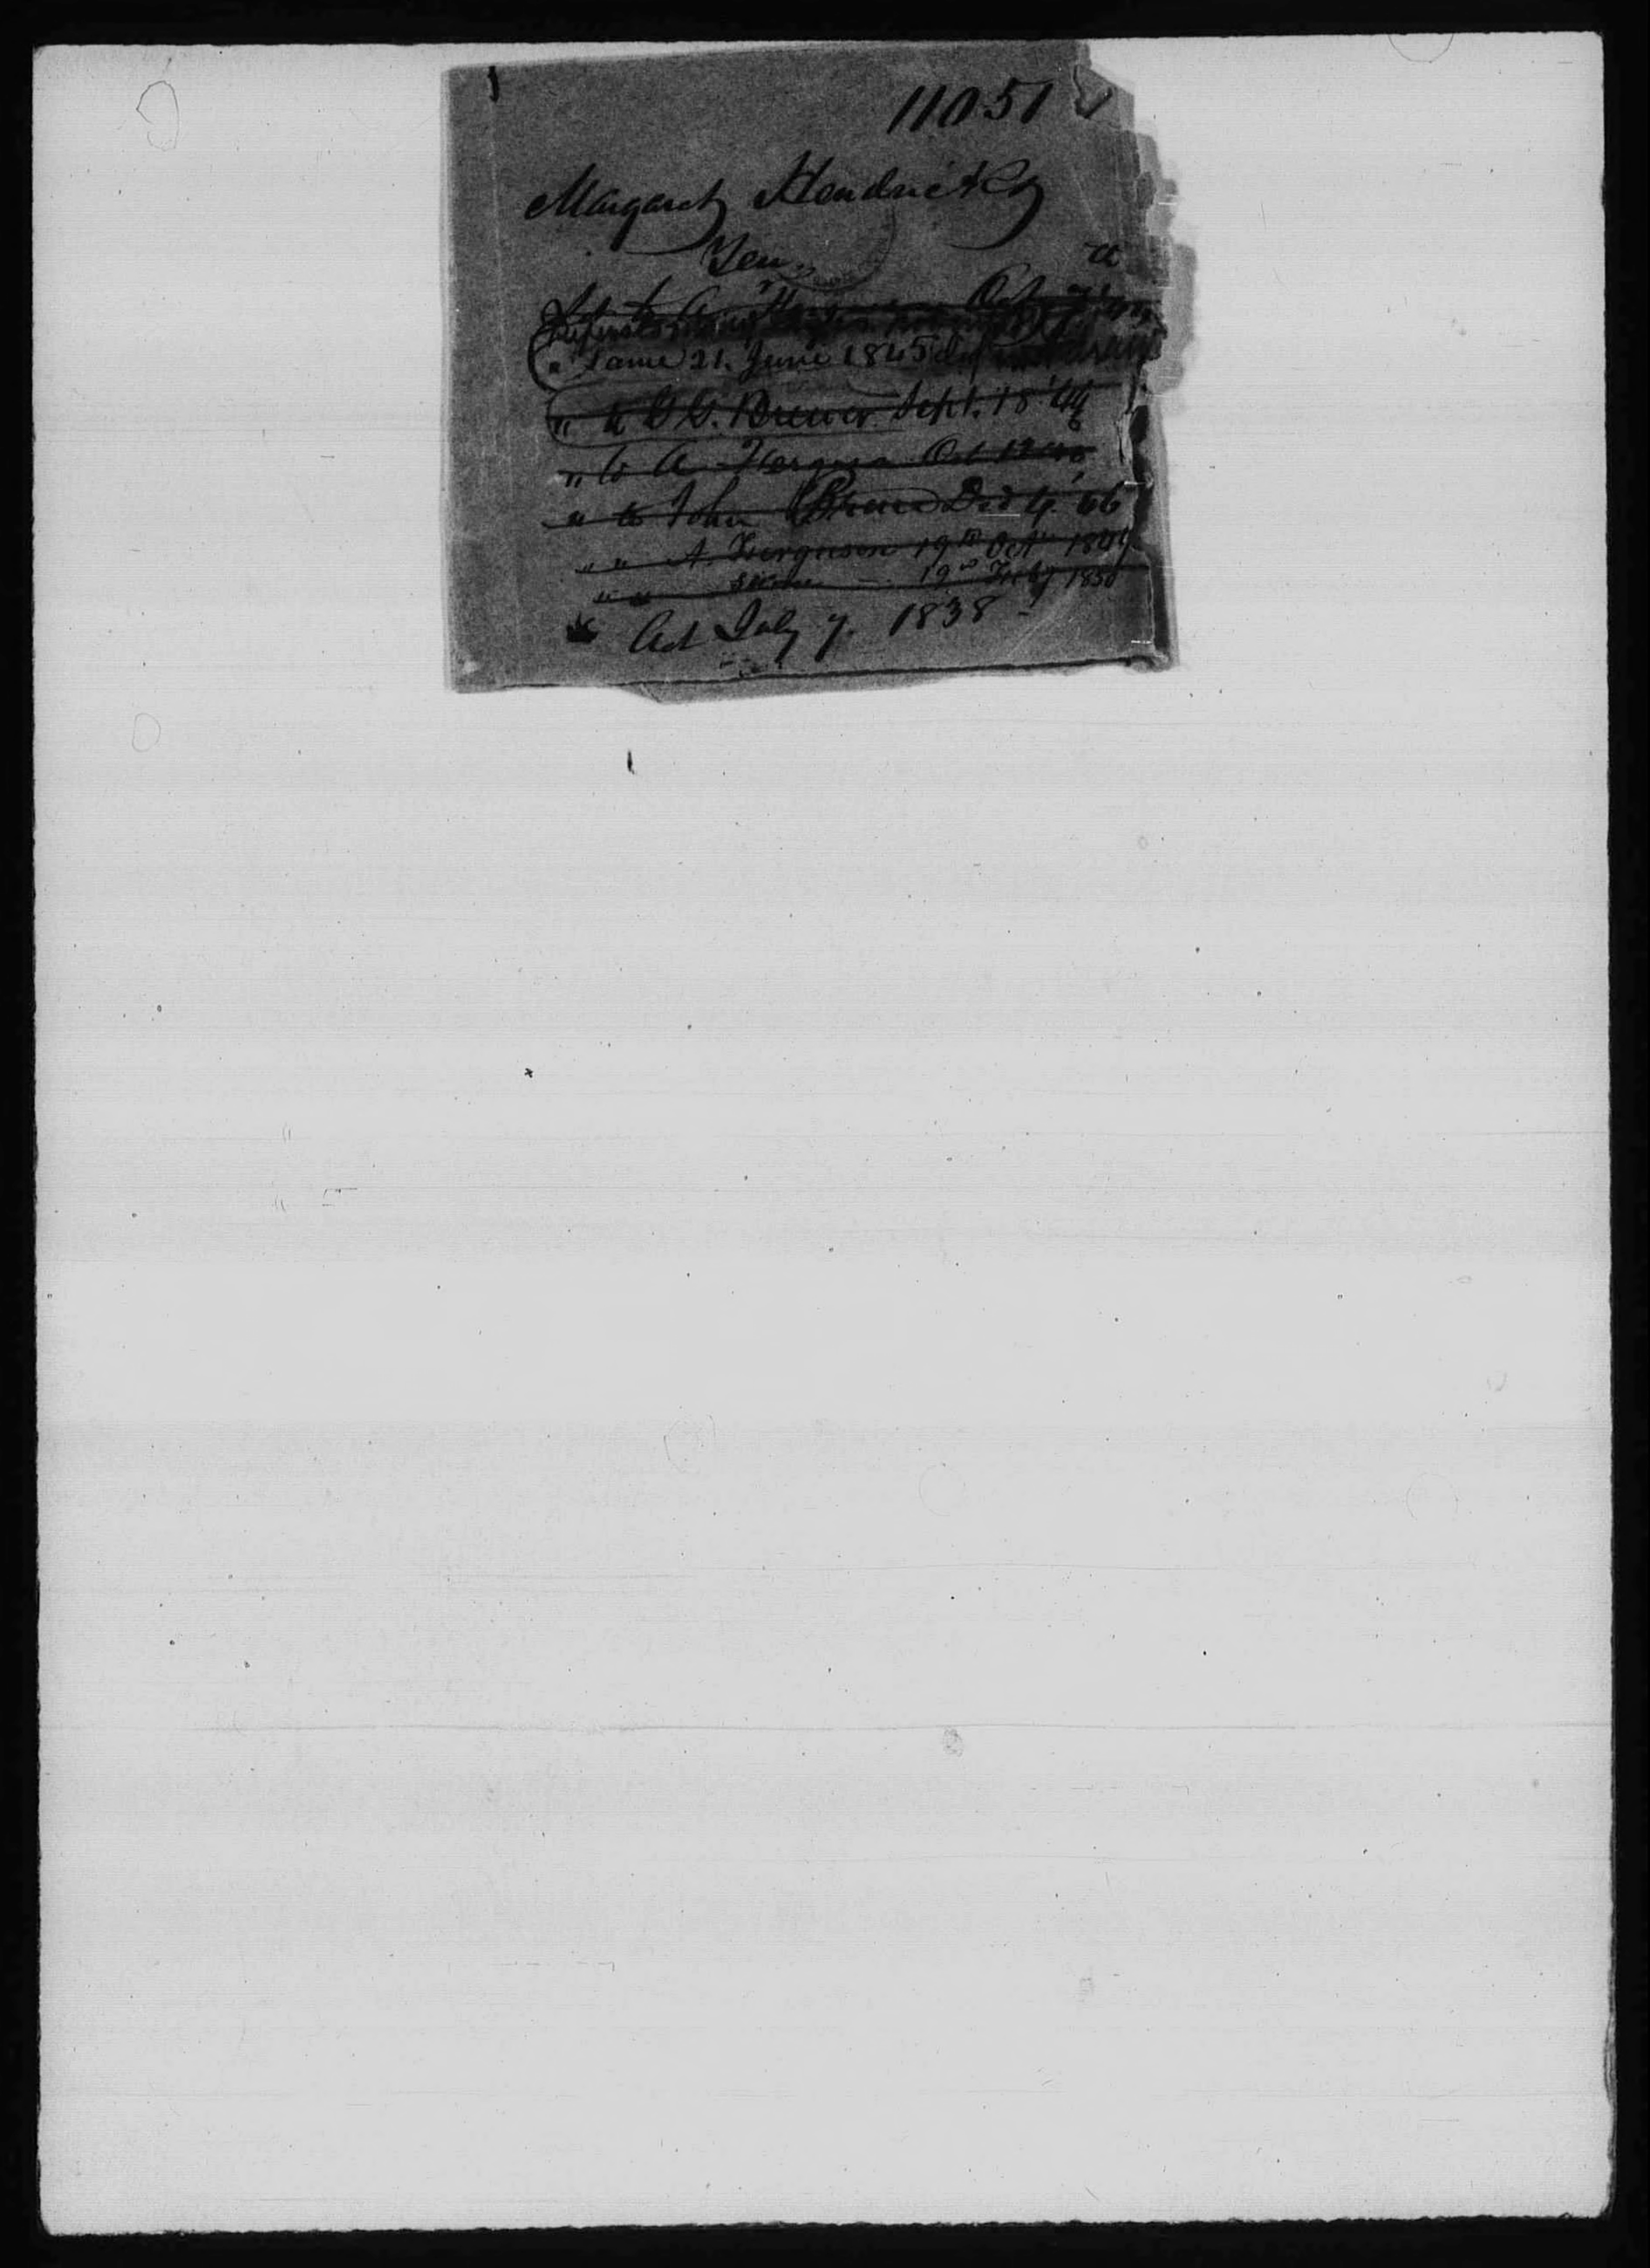11051

Margaret Hendricks 
Ten
[struck out: Let to A [illegible] Oct [illegible]
Referral [remainder illegible]
" Same 21, June 1845 [remainder illegible]
[struck out: " to G G. Brewer, Sept. 18 '44]
[struck out: " to A. Ferguson Oct. 12 46]
[struck out: " to John Bruce Dec 4 '46]
[struck out: " to A. Ferguson 19 October 14 49]
[struck out: " to [illegible] 19th Feby 1850]
*Act July 7, 1838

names: John Bruce, Margaret Hendricks, A Ferguson, G G Brewer, A Furguson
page: 21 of 76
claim: widow's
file: W. 83, Albert Hendricks, Continental Md. N.C.